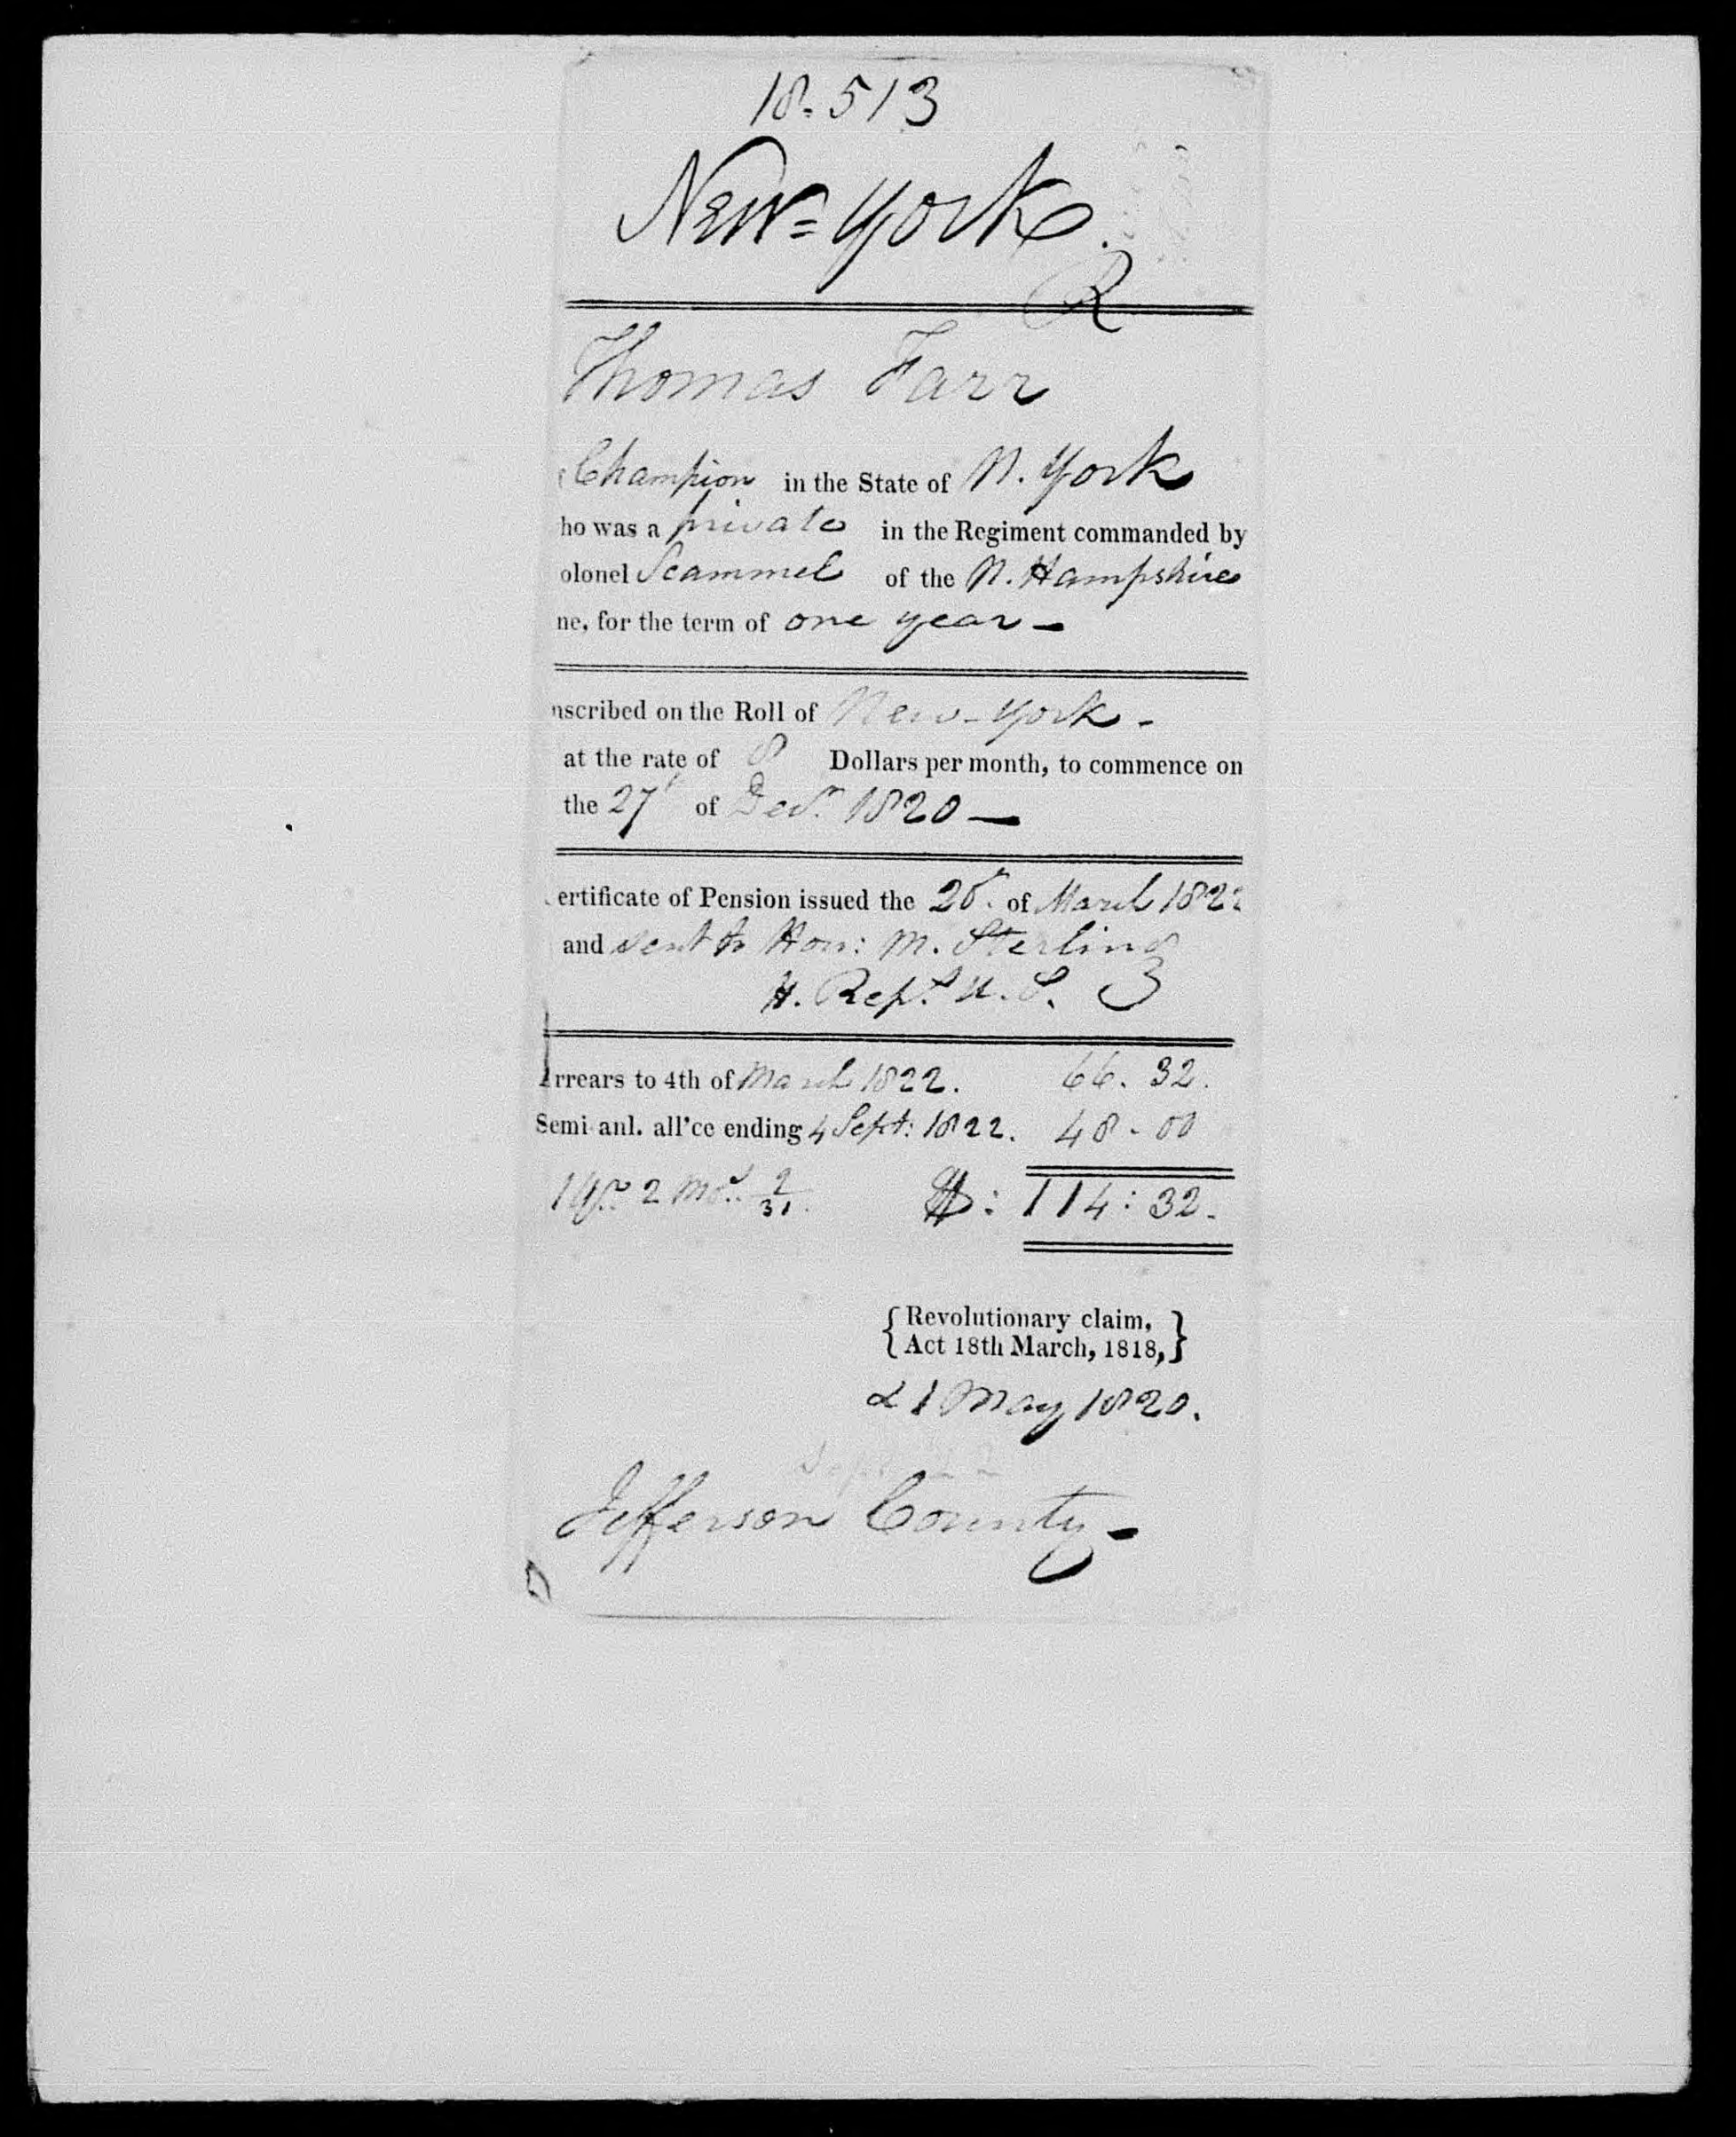10.513
New York

Thomas Farr
Champion in the State of N. York who was a private in the regiment commanded by Colonel Seammel of the N Hampshire line, for the term of one year.

Transcribed on the Roll of New York at the rate of 8 dollars per month, to commence on the 27th of Dec. 1820.

Certificate of Pension issued the 26 of March 1822 and Sent to Hon: M Sterling [illegible]

Arrears to 4th of March, 1822,              66.32
Semi anl. all'ce ending 4 sept: 1822      48.00 
1 yr 2 mo 2/31                                   $:114:32

{Revolutionary claim, Act 18th March, 1818,}
21 may, 1820

Jefferson County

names: Thomas Farr, M Sterling, Scammel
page: 2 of 46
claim: widow's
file: W. 23022, Thomas Farr, N.H.